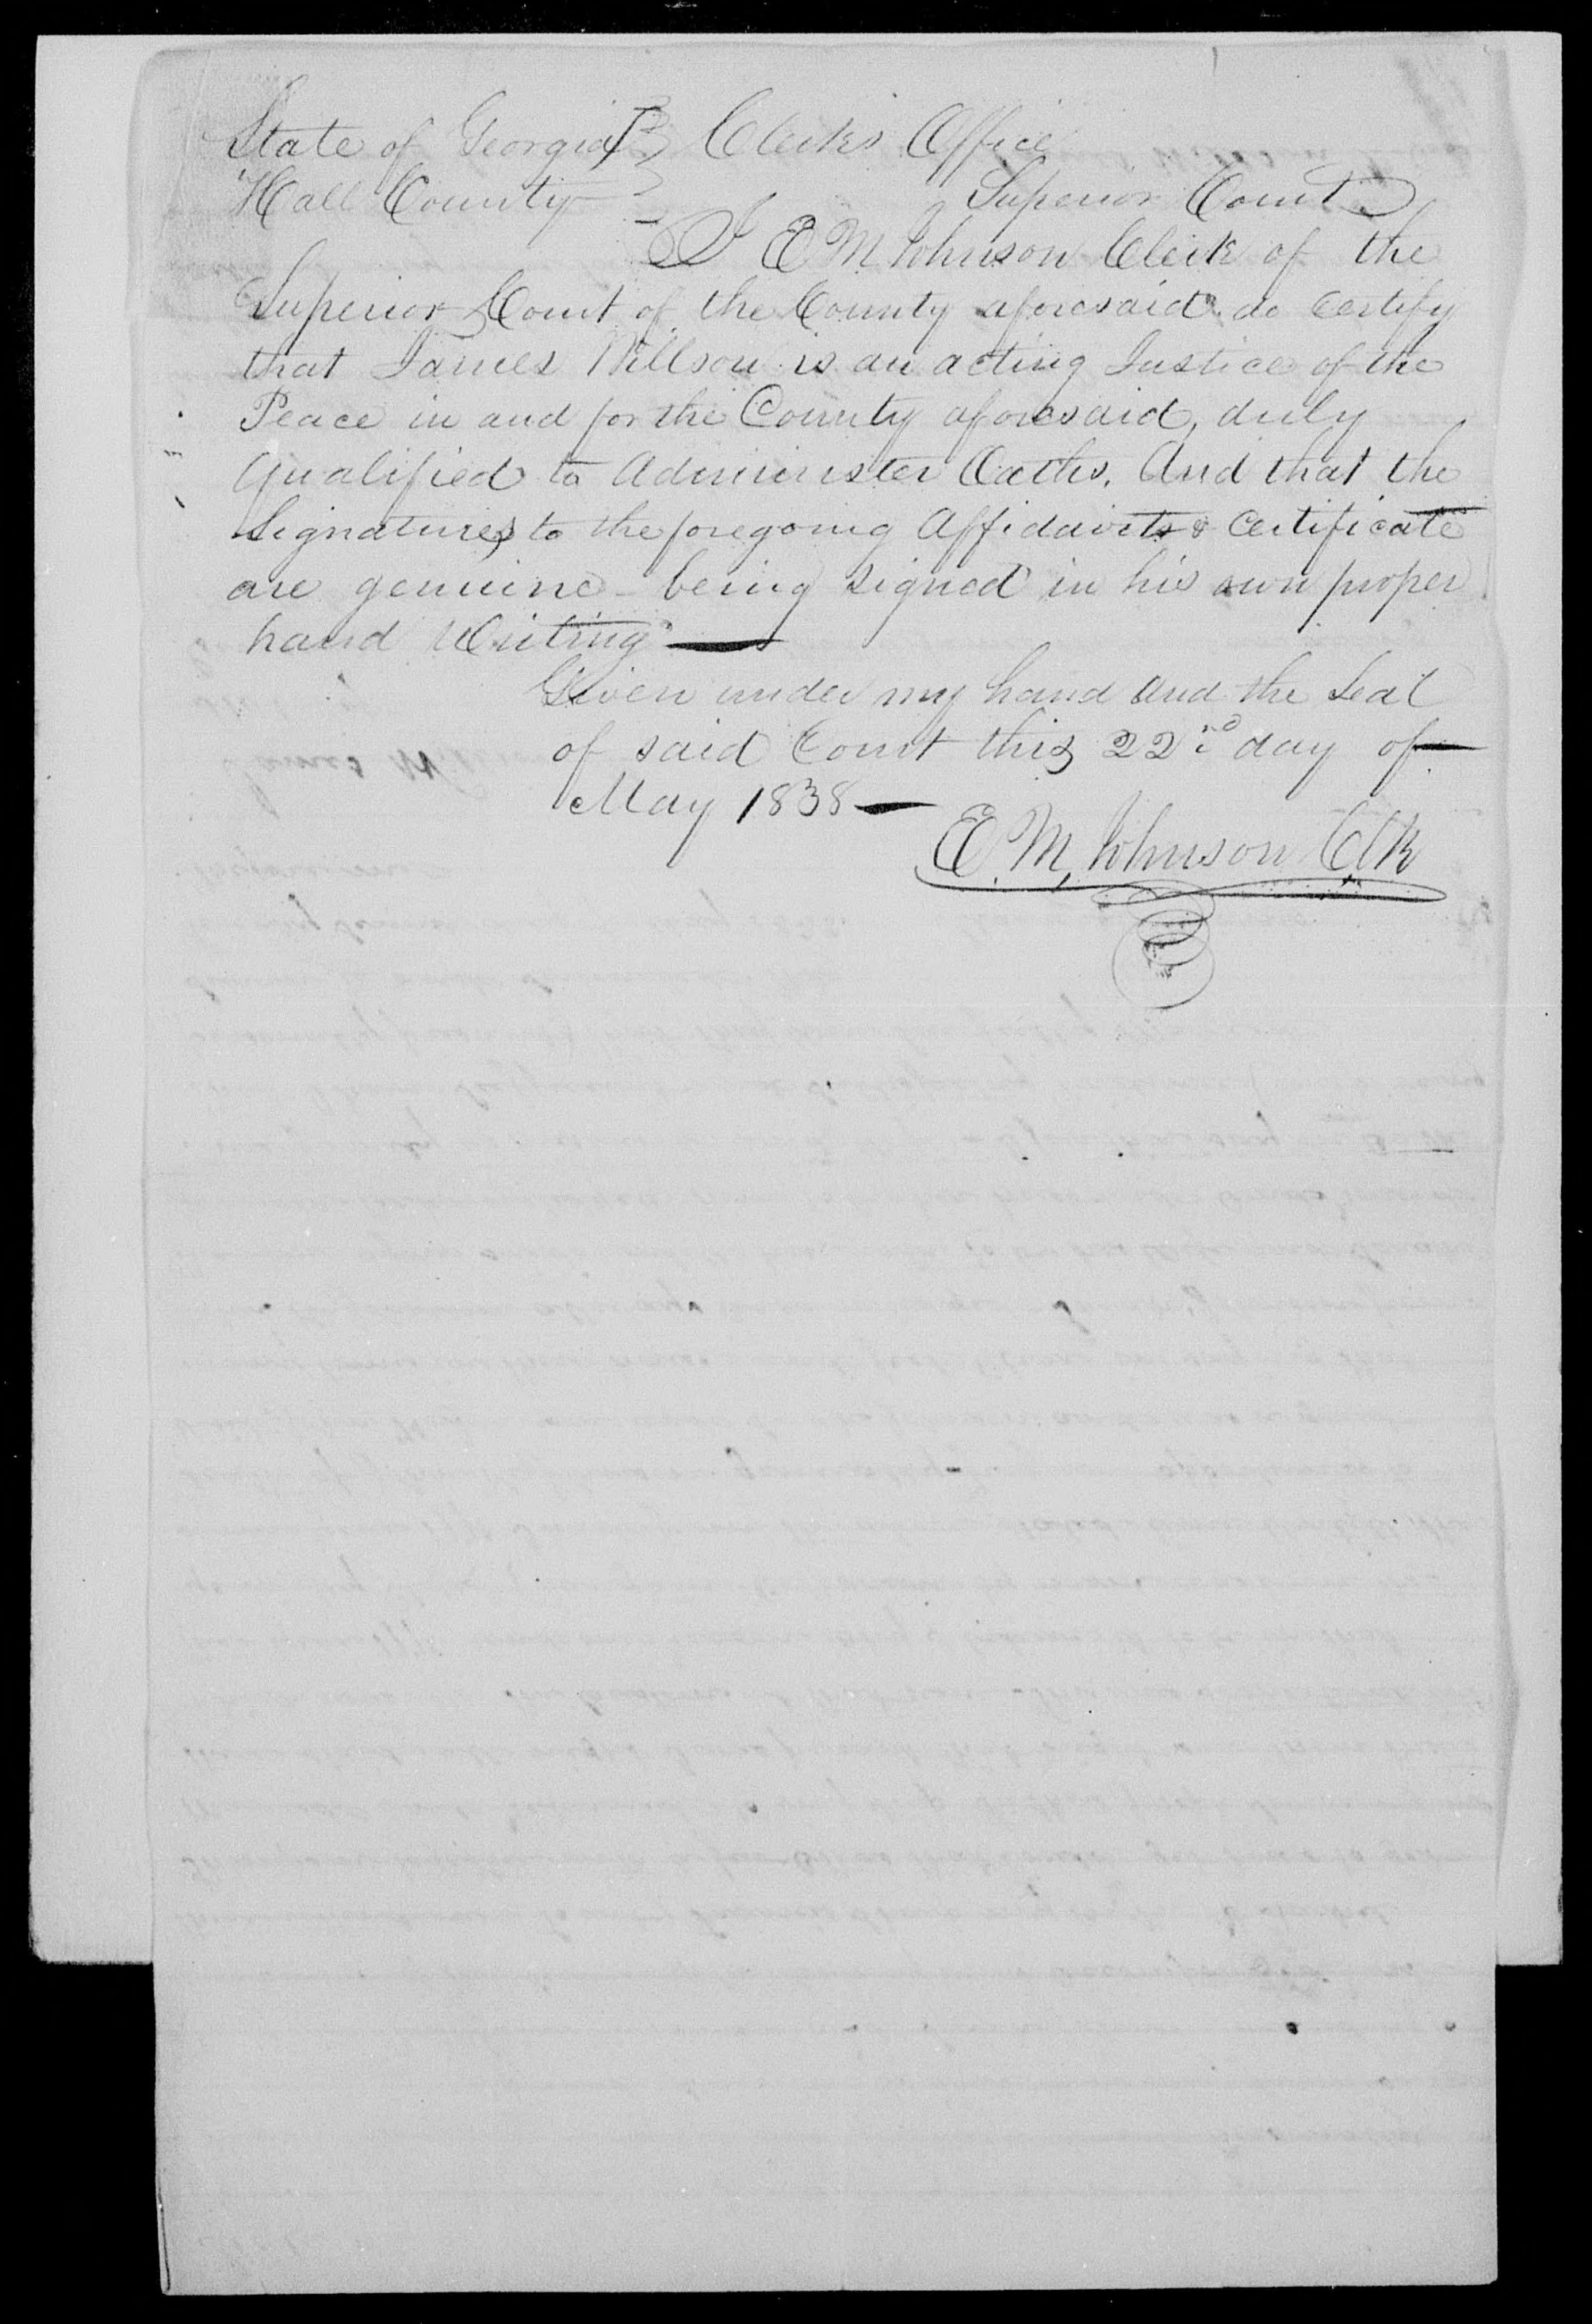State of Georgia }   Clerks Office
Hall County }         Superior Court
I E M Johnson Clerk of the Superior Court of the County aforesaid do verify that James Willson is an acting Justice of the Peace in and for the County aforesaid, duly qualified to Administer Oaths. And that the Signatures to the foregoing Affidavits & certificate are genuine. being signed in his own proper hand writing --
Given under my hand and the Seal of said Court this 22nd day of May 1838 -
S/E. M. Johnson Clk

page: 19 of 26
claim: widow's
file: W. 4464, for John H Johnson, Georgia